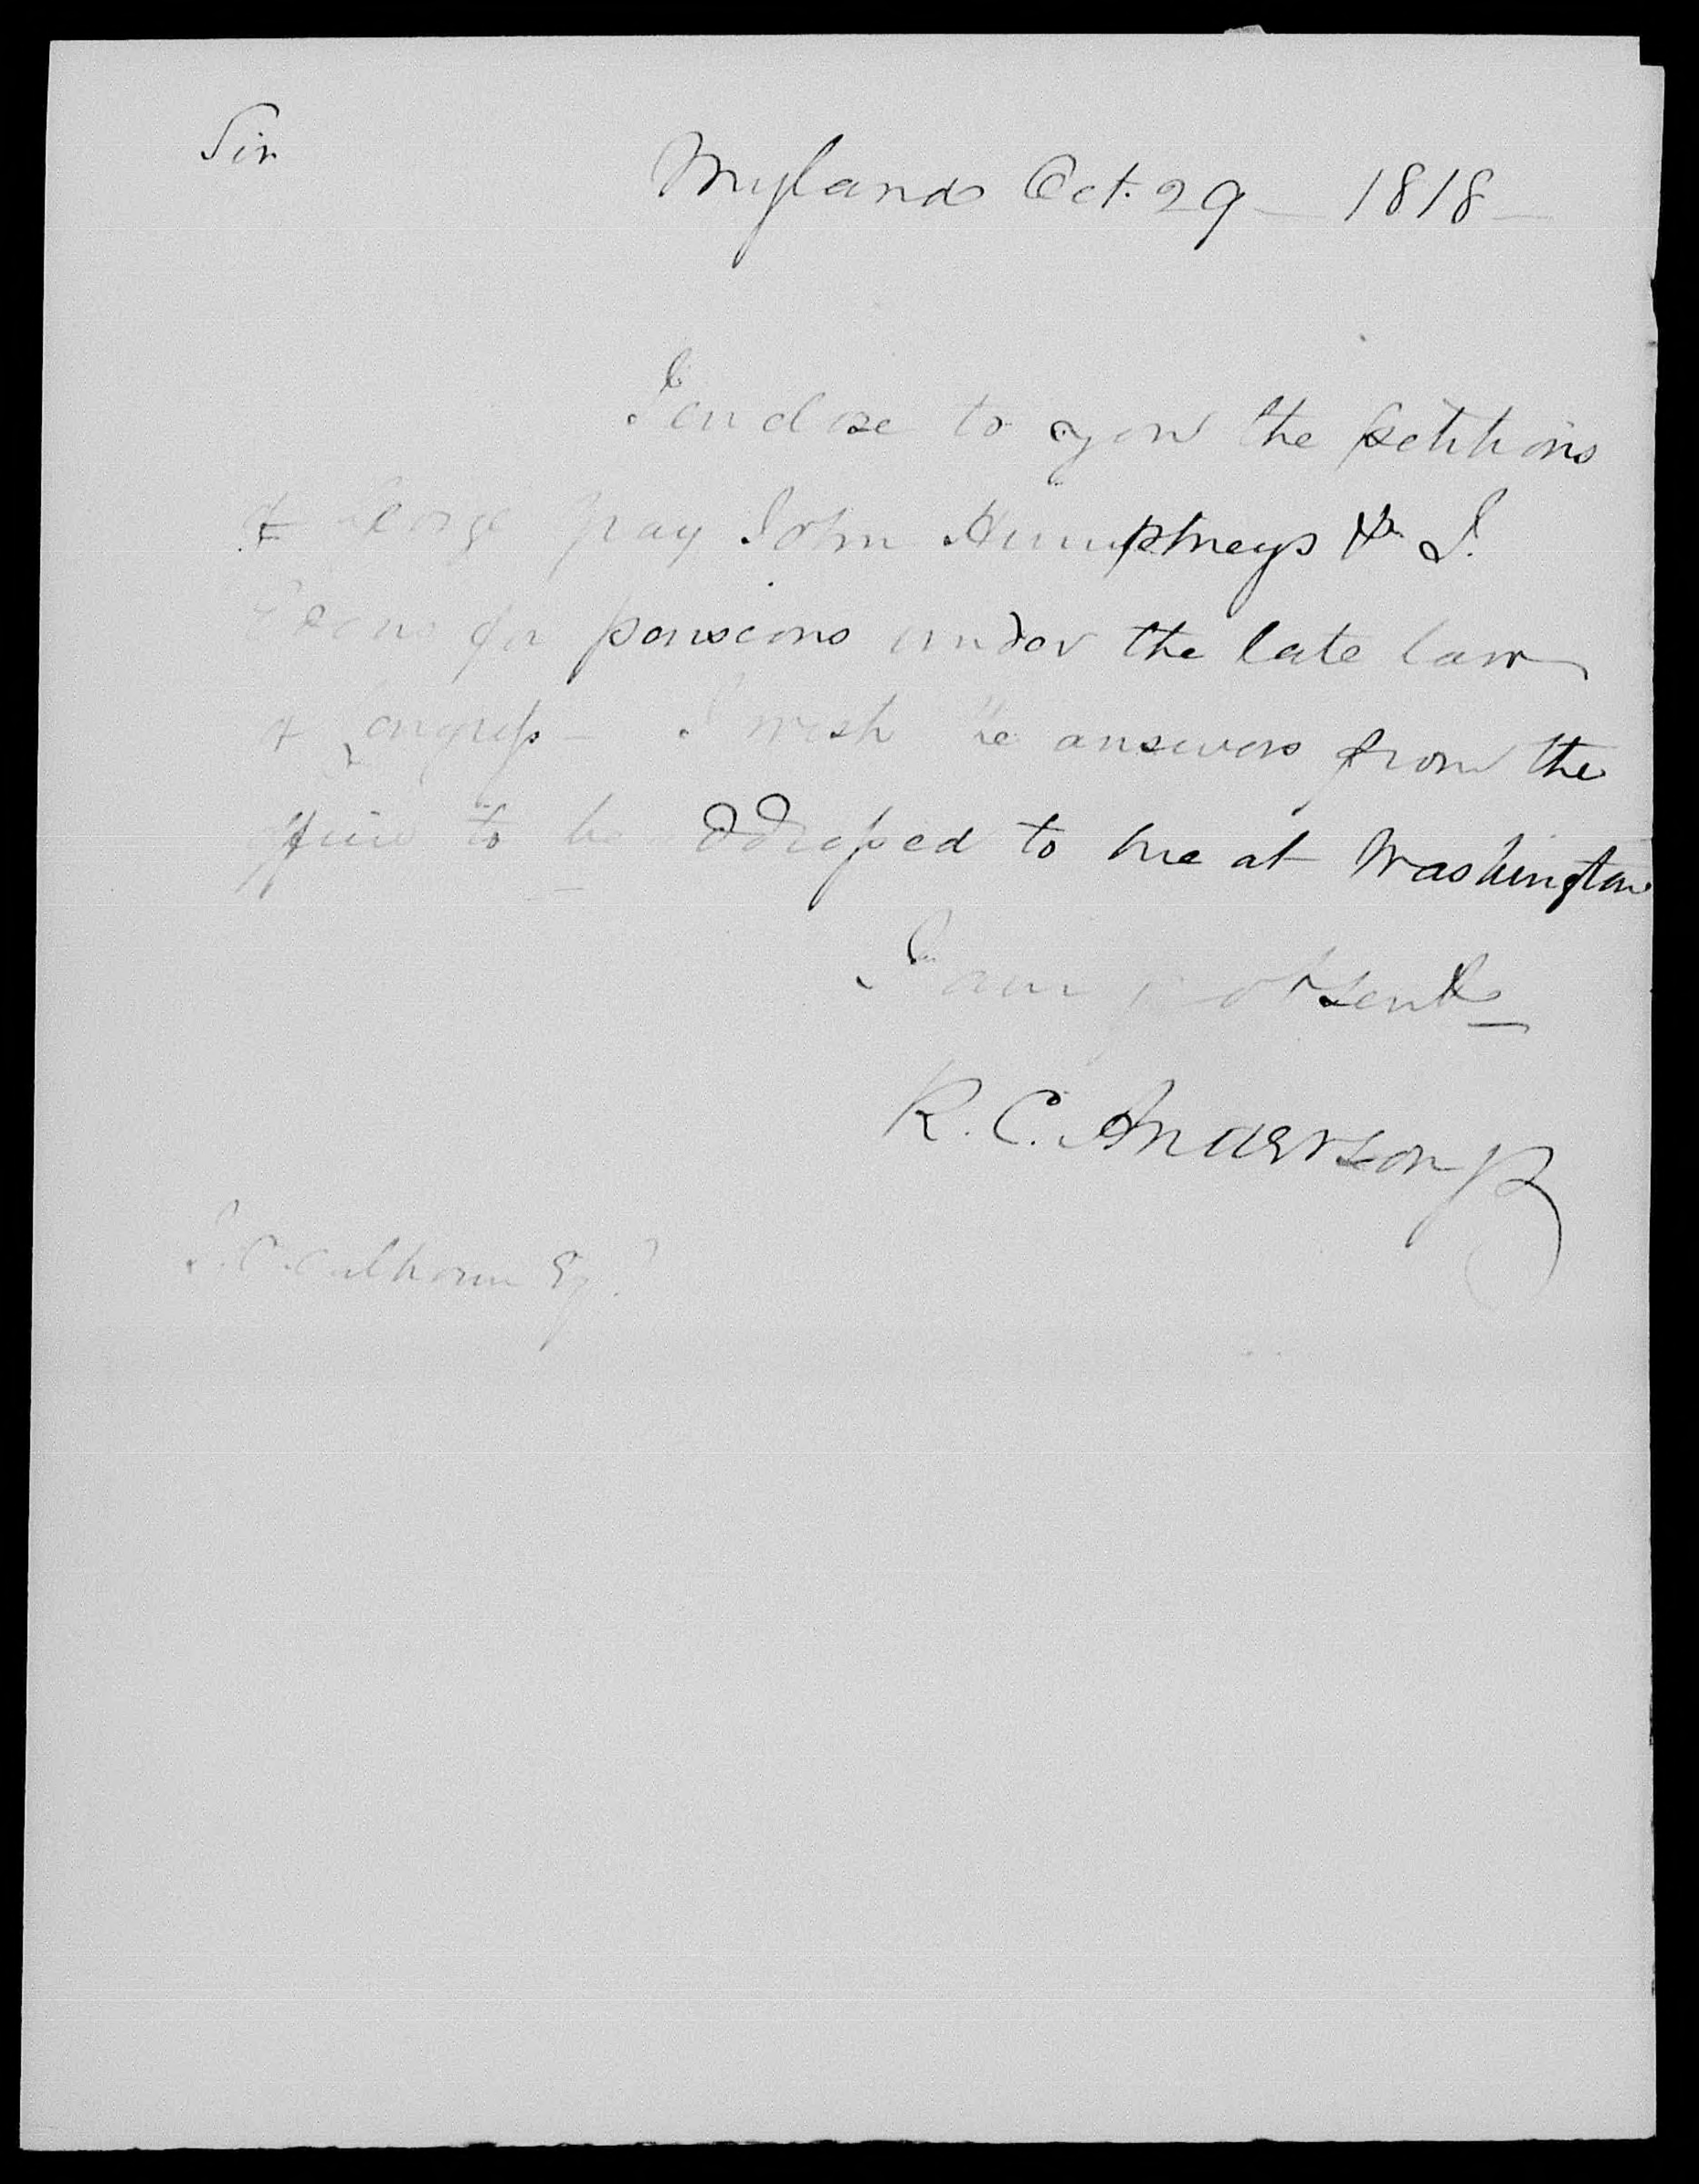Myland Oct. 29 - 1818-

Sir
enclose to you the petitions of George Gray, John Humphreys & J Edens for pensions under the late law of Congress. I wish the answers from the office to be addressed to me at Washington 
I am your friend
R. C. Anderson

J C Calhoun Esq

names: J Eden, George Gray, R C Anderson, J C Calhoun, John Humphreys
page: 12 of 14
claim: survivor's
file: S 35911, John Edens, S.C.